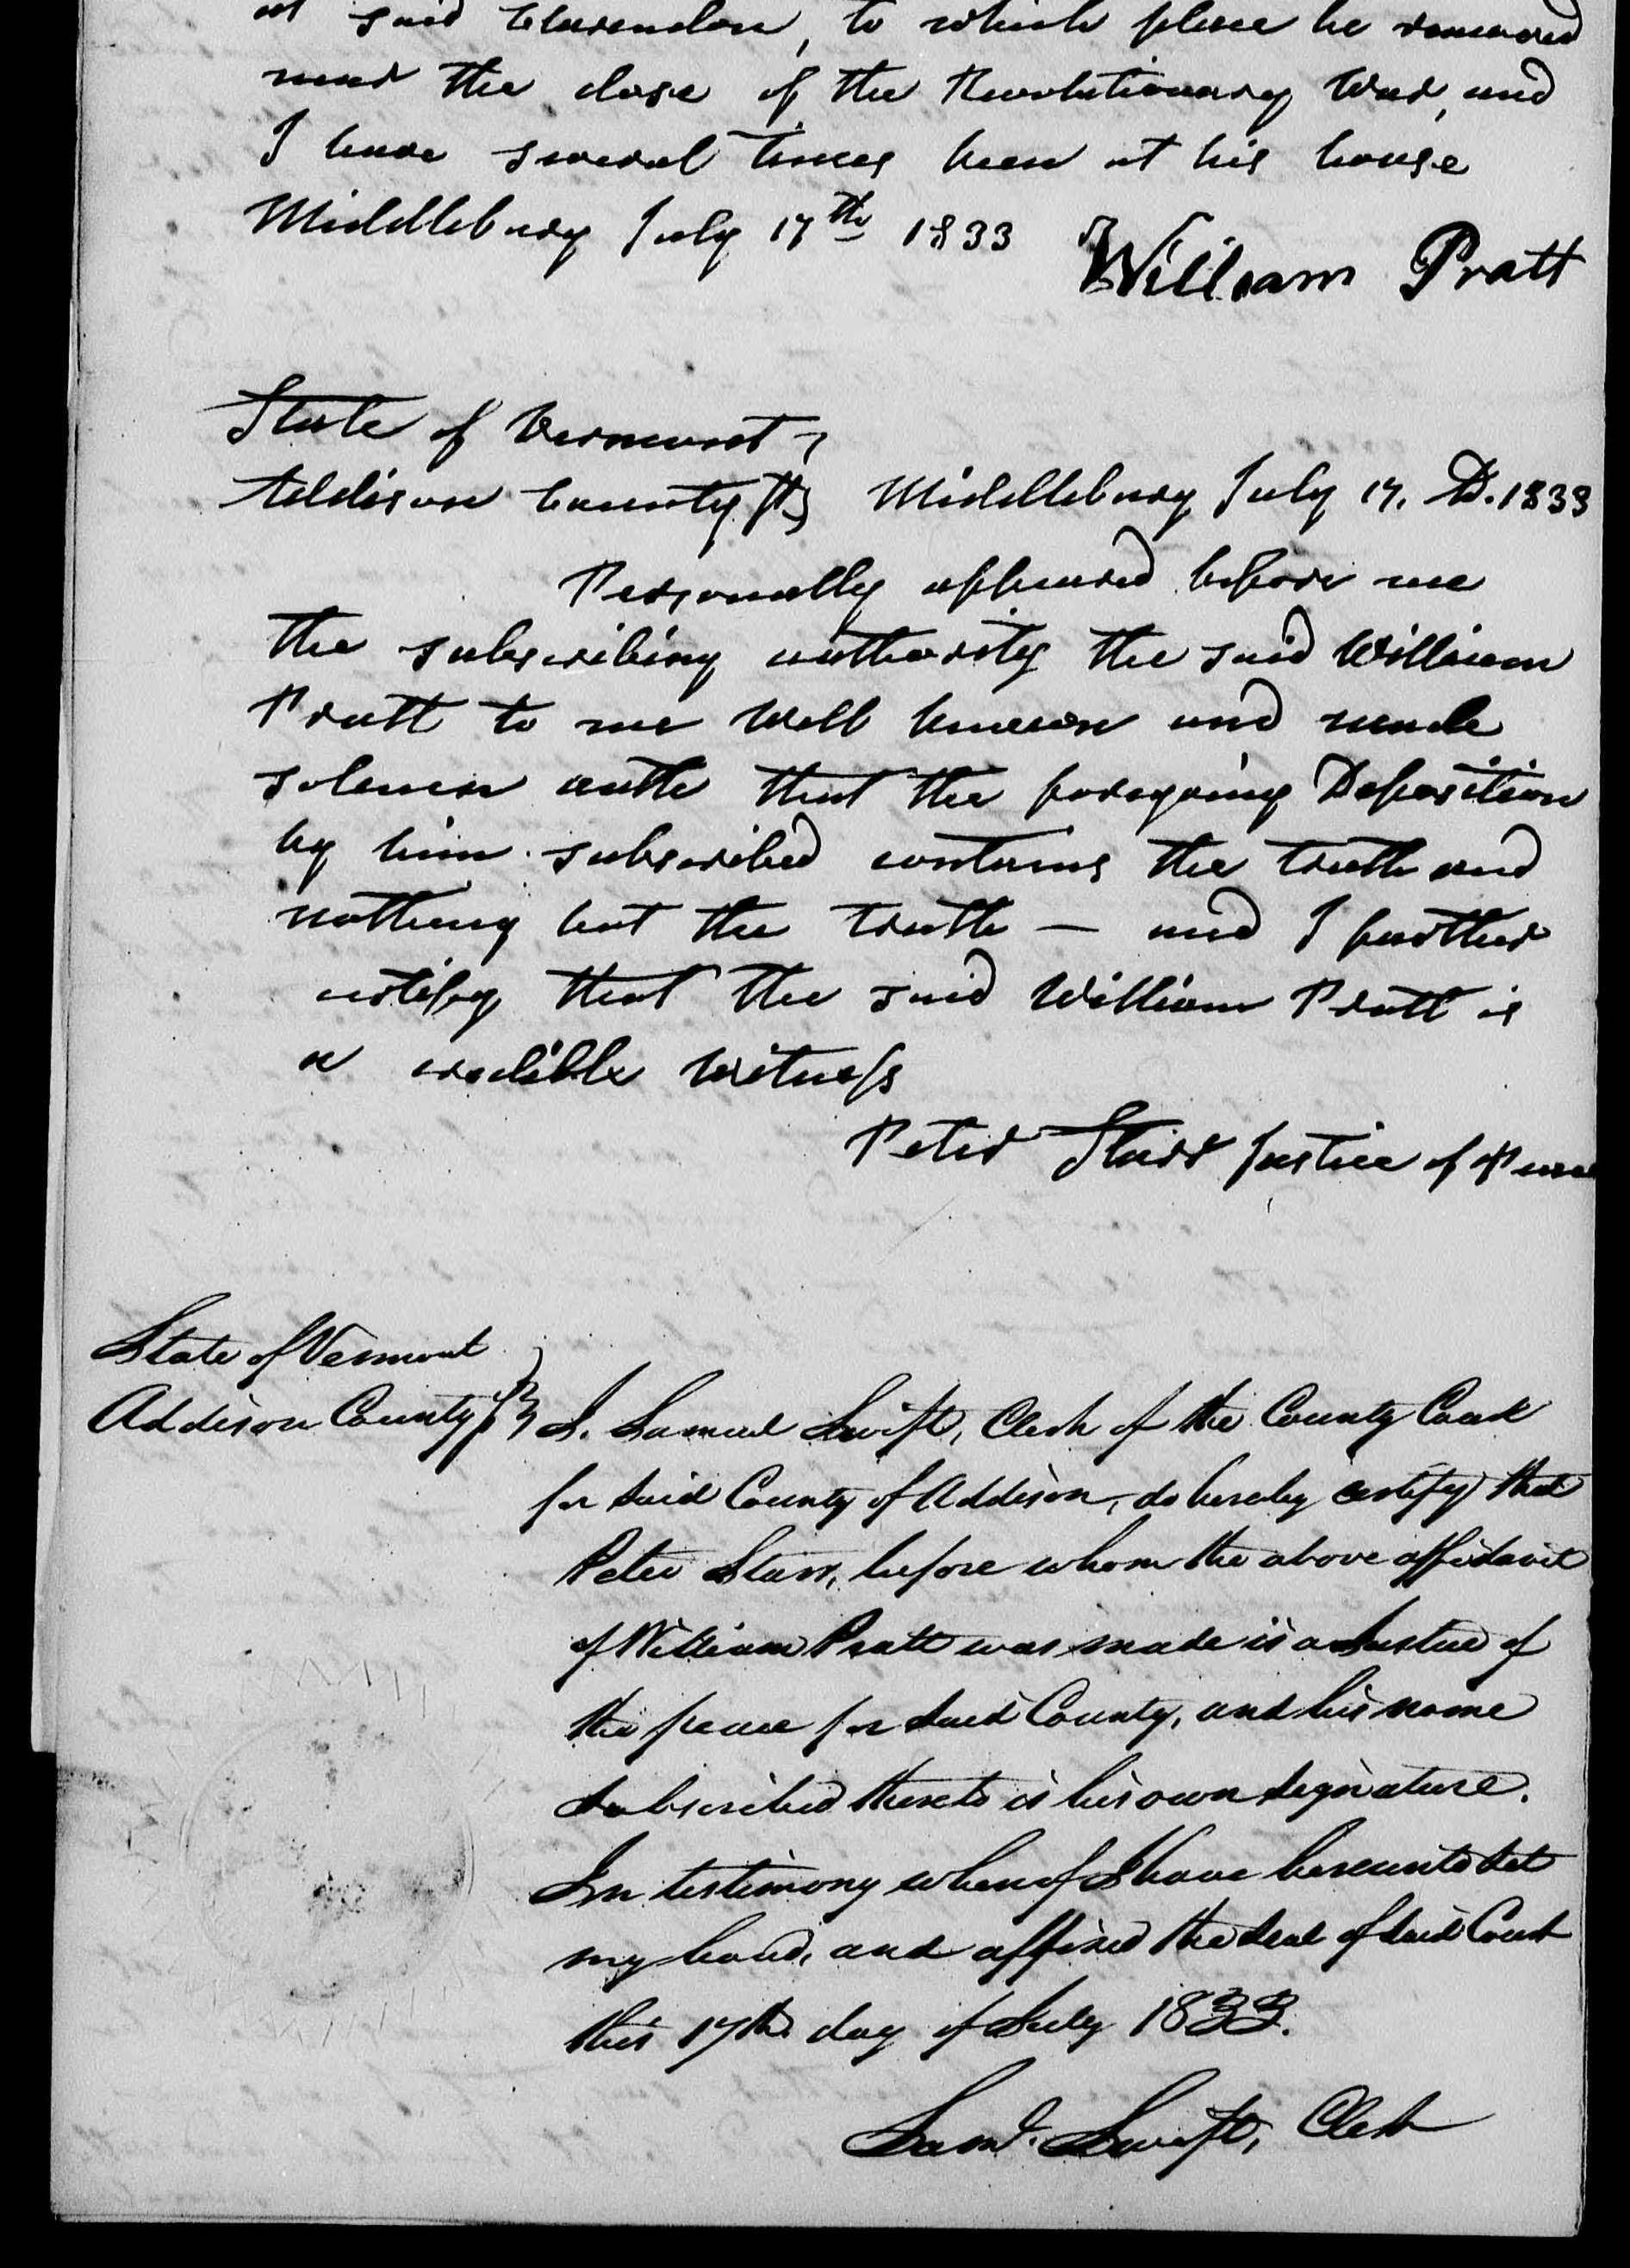at said Clarendon, to which place he removed [illegible] the close of the Revolutionary War, and I was several times here at his house
Middlebury July 17th 1833
/s/ William Pratt

State of Vermont
Addison County ss} Middlebury July 17, AD. 1833
Personally appeared before me the subscribing authority the said William Pratt to me well known and made solemn oath that the foregoing Deposition by him subscribed contains the truth and nothing but the truth - and I further certify that the said William Pratt is and credible witness
/s/Peter Starr Justice of Peace

State of Vermont 
Addison County ss} I Samuel Swift, Clerk of the County Court for Said County of Addison, do hereby certify that Peter Starr, before whom the above affidavit of William Pratt was made is a Justice of the peace for said County, and his name Subscribed thereto is his own signature. 
[court seal affixed]
In testimony whereof I have hereunto set my hand, and affixed the Seal of Said Court this 17th day of July 1833.
/s/Sam'l Swift, Clerk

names: Samuel Swift, Peter Starr, Saml Swift, William Pratt, Peter Starr, William Pratt, William Pratt, William Pratt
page: 20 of 33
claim: survivor's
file: S. 12632, William Crossman, Mass. Vt.